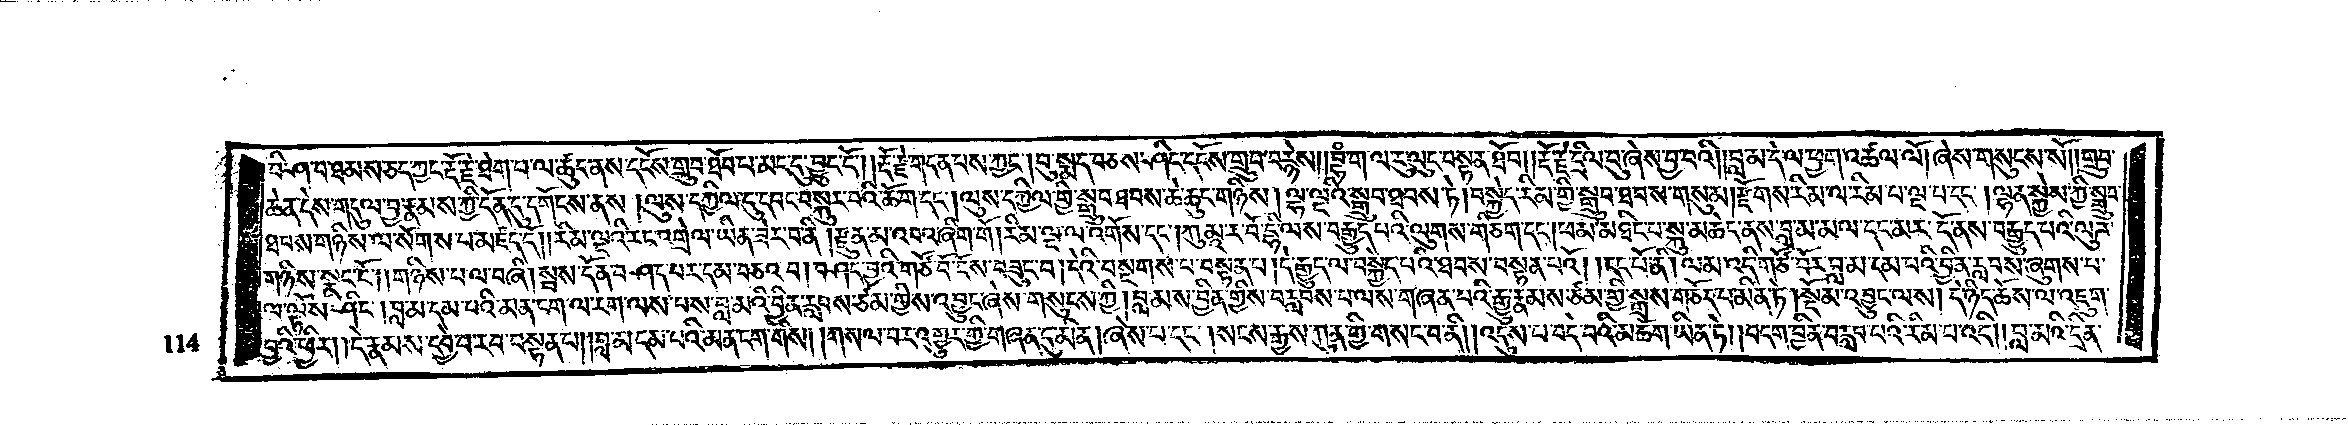བི་ཤ་བ་ཐམས་ཅད་ཀྱང་རྡོ་རྗེ་ཐེག་པ་ལ་ཚུང་ནས་དངོས་གྲུབ་ཐོབ་པ་མང་དུ་བྱུང་ངོ། །རྡོ་རྗེ་གདན་པས་ཀྱང་། བུ་སྨད་བཅས་ཤིང་དངོས་གྲུབ་བརྙེས། །བྷཾ་ག་ལ་རུ་ལུང་བསྟན་ཐོབ། །རྡོ་རྗེ་དྲིལ་བུ་ཞེས་བྱ་བའི། །བླ་མ་དེ་ལ་ཕྱག་འཚལ་ལོ། ཞེས་གསུངས་སོ། །གྲུབ་
ཆེན་དེས་གདུལ་བྱ་རྣམས་ཀྱི་དོན་དུ་དགོངས་ནས། ལུས་དཀྱིལ་དུ་དབང་བསྐུར་བའི་ཆོ་ག་དང་། ལུས་དཀྱིལ་གྱི་སྒྲུབ་ཐབས་ཆེ་ཆུང་གཉིས། ལྷ་ལྔའི་སྒྲུབ་ཐབས་ཏེ། བསྐྱེད་རིམ་གྱི་སྒྲུབ་ཐབས་གསུམ། རྫོགས་རིམ་ལ་རིམ་པ་ལྔ་པ་དང་། ལྷན་སྐྱེས་ཀྱི་སྒྲུབ་
ཐབས་གཉིས་ལ་སོགས་པ་མཛད་དོ། །རིམ་ལྔའི་རང་འགྲེལ་ཡིན་ཟེར་བ་ནི་།རྫུན་མ་འབའ་ཞིག་གོ །རིམ་ལྔ་ལ་འགོས་དང་། ཀུམཱ་ར་བོ་དྷི་ལས་བརྒྱུད་པའི་ལུགས་གཅིག་དང་། ཕམ་མཐིང་པ་སྐུ་མཆེད་ནས་བླ་མ་མལ་དང་མར་དོ་ནས་བརྒྱུད་པའི་ལུགས་
གཉིས་སྣང་ངོ། །གཉིས་པ་ལ་བཞི། སྦས་དོན་བཤད་པར་དམ་བཅའ་བ། བཤད་བྱའི་གཙོ་བོ་ངོས་བཟུང་བ། དེའི་བསྟགས་པ་བསྟན་པ། དེ་རྒྱུད་ལ་བསྐྱེད་པའི་ཐབས་བསྟན་པའོ། །དང་པོ་ནི། ལམ་འདི་གཙོ་བོར་བླ་མ་དམ་པའི་བྱིན་རླབས་ཞུགས་པ་
ལ་ལྟོས་ཤིང་། བླ་མ་དམ་པའི་མན་ངག་ལ་རག་ལས་པས་བླ་མའི་བྱིན་རླབས་ཙམ་གྱིས་འབྱུང་ཞེས་གསུངས་ཀྱི། བླ་མས་བྱིན་གྱིས་བརླབས་པ་ལས་གཞན་པའི་རྒྱུ་རྣམས་ཙམ་གྱི་སྒྲས་གཅོད་པ་མིན་ཏེ། སྡོམ་འབྱུང་ལས། དེ་ཉིད་ཆོས་ལ་འཇུག་
བྱའི་ཕྱིར། །དེ་རྣམས་དབྱེ་བ་རབ་བསྟན་པ། །བླ་མ་དམ་པའི་མན་ངག་གིས། །གསལ་བར་འགྱུར་གྱི་གཞན་དུ་མིན། ཞེས་པ་དང་། སངས་རྒྱས་ཀུན་གྱི་གསང་བ་ནི། །འདུས་པ་བདེ་བའི་མཆོག་ཡིན་ཏེ། །བདག་བྱིན་བརླབ་པའི་རིམ་པ་འདི། །བླ་མའི་དྲིན་